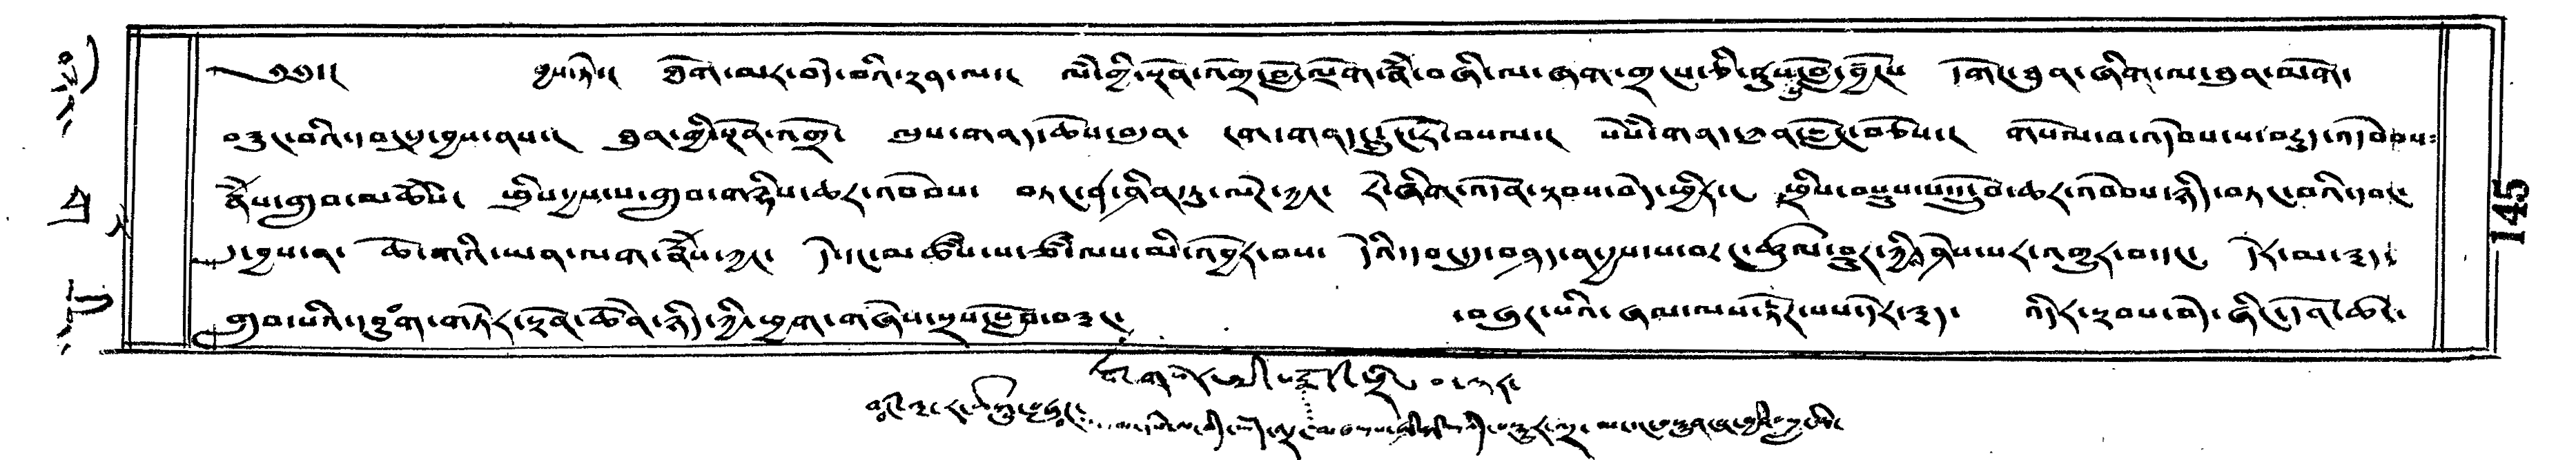བྱས་ཏེ་། ཐོག་མར་བདེ་བའི་སྟན་ལ་ལམ་གྱི་སྔོན་འགྲོ་བློ་ལྡོག་རྣམ་བཞི་ལ་ཞག་གྲངས་ཅི་ནུས་སུ་བློ་སྦྱོངས། དགོང་ཐུན་ཞིག་ལ་ཐུན་མགོ་
བཟུང་བའི་དབང་དུ་བྱས་ནས། ཐུན་གྱི་སྔོན་འགྲོ། ལུས་གནད་ཆོས་བདུན། ངག་གནད་རླུང་རོ་བསལ། སེམས་གནད་ཀུན་སློང་བཅོས། གསོལ་བ་འདེབས་པ་བརྒྱུད་འདེབས་
རྣམས་གྲུབ་མཚམས། ཕྲིན་ལས་རྒྱས་པ་གྲུབ་གཉིས་ཆར་འབེབས་བཏང་ན་ཤིན་ཏུ་ལེགས་ཀྱང་། རེ་ཞིག་འདོན་སྟབས་བདེ་ཕྱིར་ཕྲིན་ལས་བསྡུས་པ་དངོས་གྲུབ་ཆར་འབེབས་ཉིད་བཏང་བའི་དབང་
དུ་བྱས་ན། ཆོ་གའི་ཡན་ལག་རྣམས་ཀྱང་དེ་དང་འཚམས་པ་ཙམ་ལས་མི་འབྱོར་བས། དེའི་དབང་དུ་བཤད་ན་རྒྱས་པ་གཏོང་ཚུལ་ཤུགས་ཀྱིས་ཤེས་པར་འགྱུར་བ་དང་། དེར་མ་ཟད་
གྲུབ་པའི་དབང་ཕྱུག་གཏེར་སྟོན་ཆེན་པོ་ཉིད་ཀྱི་ཕྱག་བཞེས་སྲས་བློ་བཟང་སོགས་གསེར་གྱི་པདྨོའི་ཕྲེང་བ་ལྟར་བཞུགས་པའི་ཞལ་ལས་རྟོགས་པས་དེར་ཟད། འདིར་སྟབས་བདེ་ཞིང་དོན་ཆེ་བ་